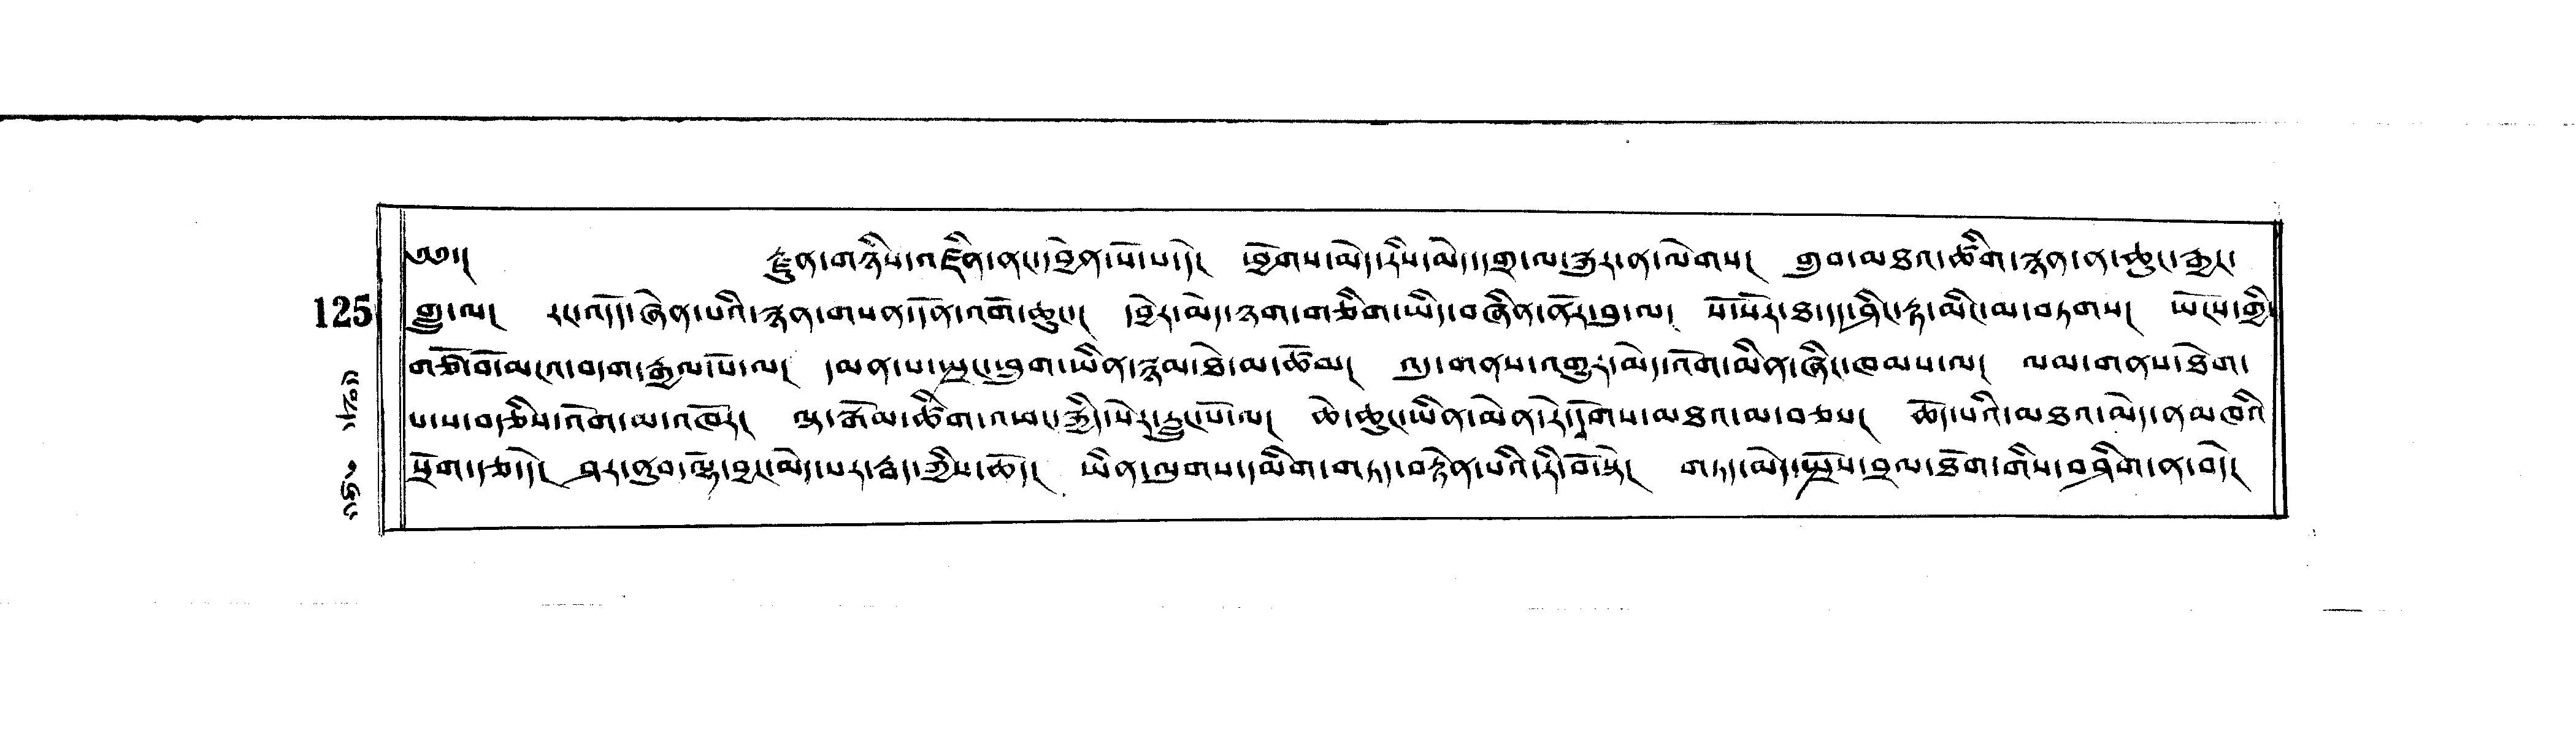རྫུན་གཉིས་འཛིན་ནང་དབྱེན་སོ་པ་དེ། ཕྱོགས་མེད་རིས་མེད་དགྲ་ལ་བསྐུར་ན་ལེགས། གྲུབ་མཐའ་ཚིག་སྙན་ན་ཆུང་རྒྱང་
གླུ་ལ། རང་འདོད་ཞེན་པའི་སྙན་གསན་དོན་གོ་ཆུང་། དབྱེར་མེད་ཉག་ཅིག་ཡིད་བཞིན་ནོར་བུ་ལ། སོ་སོར་ཐ་དད་ཤིང་རྟ་མིང་མ་བཏགས། ཡོངས་ཀྱི་
གཙོ་བོ་མངའ་བདག་རྒྱལ་པོ་ལ། དམན་པ་སྤྲང་ཕྲུག་ཡིན་སྙམ་ཐེ་མ་ཚོམ། འདུ་གནས་འགྱུར་མེད་འོག་མིན་ཞིང་ཁམས་ལ། ལམ་གནས་ཐེག་
པ་ས་རྩིས་འགོ་མ་འཁོར། ལྟ་སྒོམ་ཚིག་འཕང་སྐྱི་སེར་རླུང་པོ་ལ། ཆེ་ཆུང་ཡིན་མིན་རེ་དྭོགས་མཐའ་མ་བཅས། ཆོད་པའི་མཐའ་མེད་ནམ་མཁའི་
སྲོག་རྩ་དེ། ཤར་ནུབ་ལྷོ་བྱང་མེད་པར་རྦད་ཀྱིས་ཆོད། ཡིན་ལུགས་དམིགས་གཏད་བརྟན་པའི་རི་བོ་སྟེ། གཏད་མེད་སྤྲོས་བྲལ་ཐོག་གིས་བཤིགས་ན་བདེ།